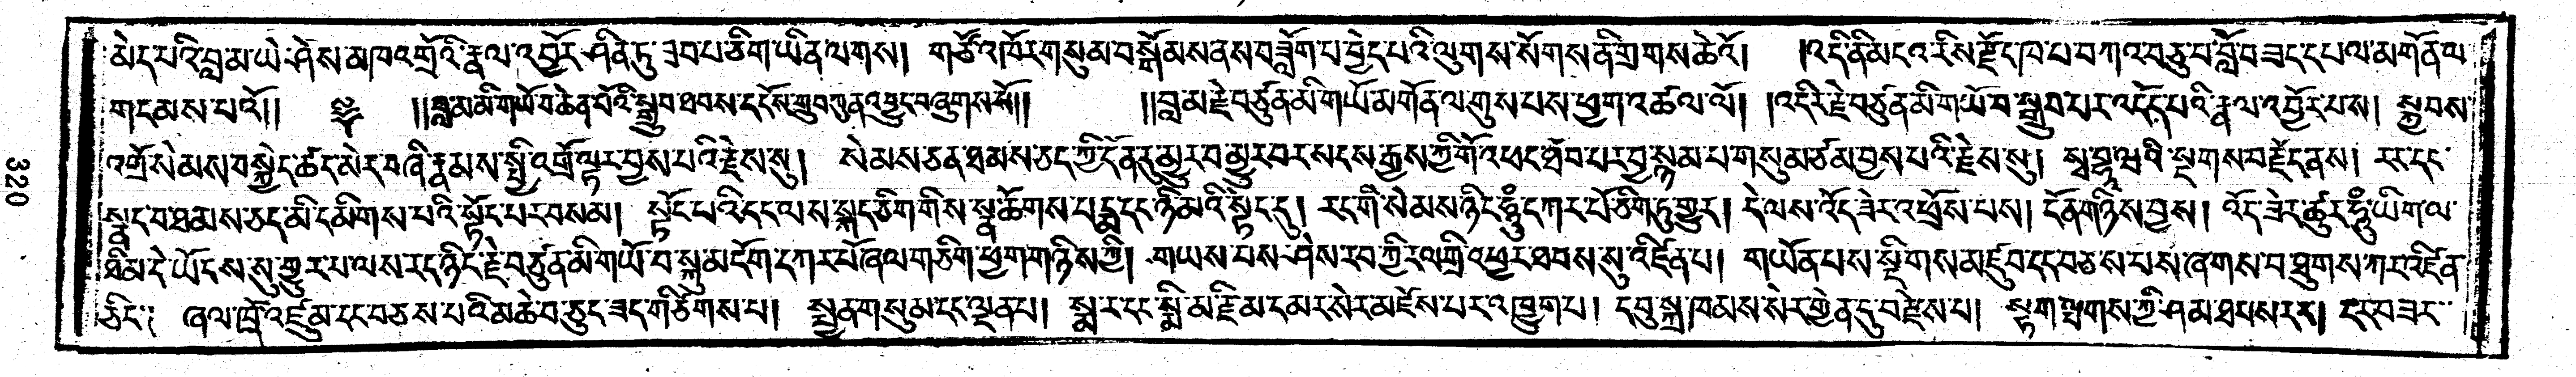མེད་པའི་བླ་མ་ཡེ་ཤེས་མཁའ་འགྲོའི་རྣལ་འབྱོར་ཤིང་ཏུ་ཟབ་པ་ཅིག་ཡིན་ལགས། གཙོ་འཁོར་གསུམ་བསྒོམས་ནས་བཟློག་པ་བྱེད་པའི་ལུགས་སོགས་ནི་གྲགས་ཆེའོ། །འདི་ནི་མངའ་རིས་རྫོང་ཁ་པ་བཀའ་བཅུ་པ་བློ་བཟང་དཔལ་མགོན་ལ་
གདམས་པའོ།། ༈ །།བླ་མ་མི་གཡོ་བ་ཆེན་པོའི་སྒྲུབ་ཐབས་དངོས་གྲུབ་ཀུན་འབྱུང་བཞུགས་སོ།། །།བླ་མ་རྗེ་བཙུན་མི་གཡོ་མགོན་ལ་གུས་པས་ཕྱག་འཚལ་ལོ། །འདིར་རྗེ་བཙུན་མི་གཡོ་བ་སྒྲུབ་པར་འདོད་པའི་རྣལ་འབྱོར་པས། སྐྱབས་
འགྲོ་སེམས་བསྐྱེད་ཚད་མེད་བཞི་རྣམས་སྤྱི་འགྲོ་ལྟར་བྱས་པའི་རྗེས་སུ། སེམས་ཅན་ཐམས་ཅད་ཀྱི་དོན་དུ་མྱུར་བ་མྱུར་བར་སངས་རྒྱས་ཀྱི་གོ་འཕང་ཐོབ་པར་བྱ་སྙམ་པ་གསུམ་ཙམ་བྱས་པའི་རྗེས་སུ། སྭ་བྷཱ་ཝའི་སྔགས་བརྗོད་ནས། རང་དང་
སྣང་བ་ཐམས་ཅད་མི་དམིགས་པའི་སྟོང་པར་བསམ། སྟོང་པའི་ངང་ལས་སྐད་ཅིག་གིས་སྣ་ཆོགས་པདམ་དང་ཉི་མའི་སྟེང་དུ། རང་གི་སེམས་ཉིང་ཧཱུཾ་དཀར་པོ་ཅིག་ཏུ་གྱུར། དེ་ལས་འོད་ཟེར་འཕྲོས་པས། དོན་གཉིས་བྱས། འོད་ཟེར་ཚུར་ཧཱུཾ་ཡིག་ལ་
ཐིམ་དེ་ཡོངས་སུ་གྱུར་པ་ལས་རང་ཉིང་རྗེ་བཙུན་མི་གཡོ་བ་སྐུ་མདོག་དཀར་པོ་ཞལ་གཅིག་ཕྱག་གཉིས་ཀྱི། གཡས་པས་ཤེས་རབ་ཀྱི་རལ་གྲི་འཕྱར་ཐབས་སུ་འཛིན་པ། གཡོན་པས་སྡིགས་མཛུབ་དང་བཅས་པས་ཞགས་བ་ཐུགས་ཀར་འཛིན་
ཅིང༑ ཞལ་ཁྲོ་འཛུམ་དང་བཅས་པའི་མཆེ་བ་ཅུང་ཟད་གཙིགས་པ། སྤྱན་གསུམ་དང་ལྡན་པ། སྨ་ར་དང་སྨི་མ་རྗི་མ་དམར་སེར་མཛེས་པར་འཁྱུག་པ། དབུ་སྐྲ་ཁམས་སེར་གྱེན་དུ་བརྫེས་པ། སྟག་ལྤགས་ཀྱི་ཤམ་ཐབས་རང་། དར་བཟང་